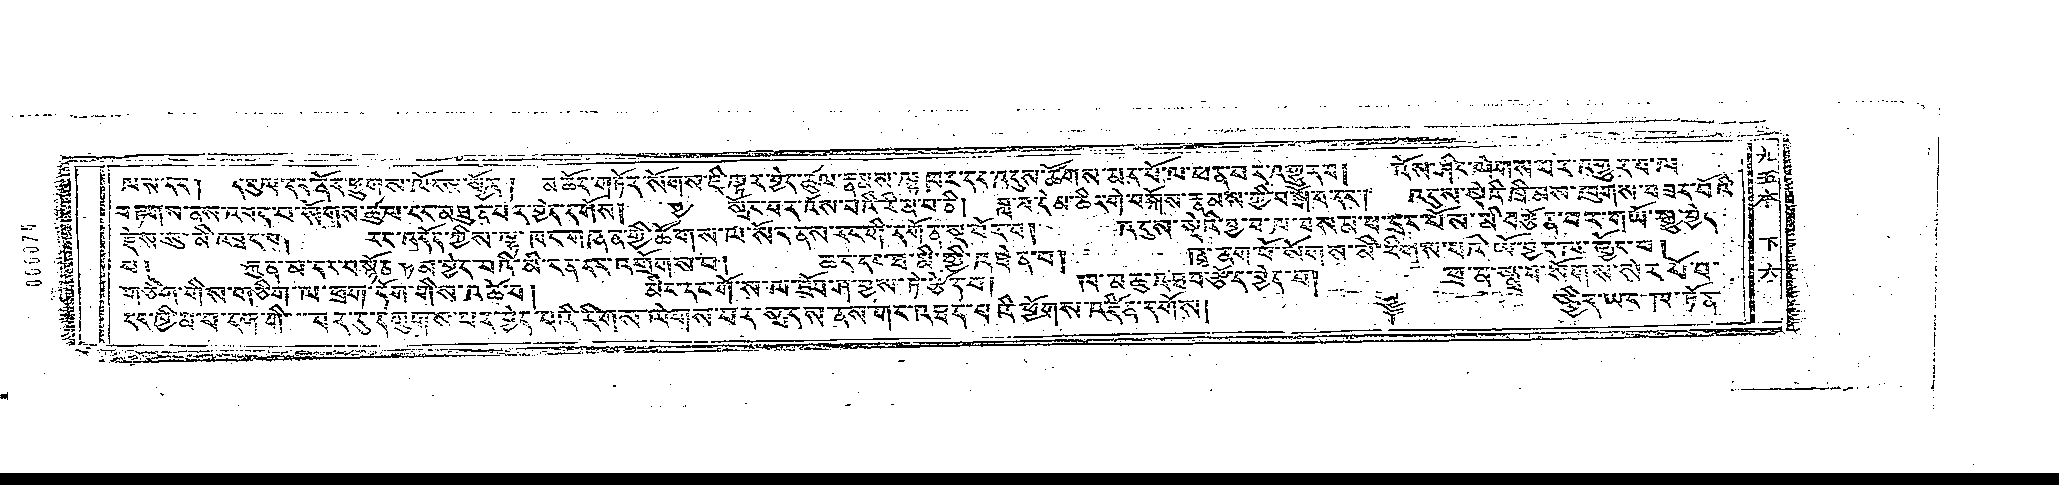ལས་དང་། དངུལ་དང་ནོར་ཕྱུགས་ལོངས་སྤྱོད། མཆོད་གཏོར་སོགས་ཇི་ལྟར་བྱེད་ཚུལ་རྣམས་ལྷ་ཁང་དང་འདུས་ཚོགས་མང་བོ་ལ་ཕན་པར་འགྱུར་བ། འོས་ཤིང་ལེགས་པར་འགྱུར་བ་ལ་
བརྟགས་ནས་འབད་པ་སོགས་ཚུལ་དང་མཐུན་པར་བྱེད་དགོས། ༧་སྤོང་བར་འོས་པའི་རིམ་པ་ནི། བླ་མ་དེ་མཆི་དགེ་བསྐོས་རྣམས་ཀྱི་བསྒོ་བ་དང་། འདུས་སྡེའི་ཁྲིམས་ལུགས་བཟང་པོའི་
རྗེས་སུ་མི་འབྲང་བ། རང་འདོད་ཀྱིས་ལྷ་ཁང་གཞན་གྱི་ཚོགས་ལ་སོང་ནས་རང་གི་དགོན་སྡེ་བོར་བ། འདུས་སྡེའི་བྱ་བ་ལ་བསམ་པ་དྲང་པོས་མི་བརྩོན་པར་གཡོ་སྒྱུ་ཕྱེད་
པ། རྐུན་མ་དང་བསྙོན་ཧམ་བྱེད་པའི་མི་ངན་དང་འགྲོགས་པ། ཆང་དང་ཐ་མི་ཁི་འཐེན་པ། ཞྭ་ནག་པོ་སོགས་མི་རིགས་པའི་ཡོ་བྱད་ལ་སྤྱོད་པ།
གཅིག་གིས་གཅིག་ལ་ཕྲག་དོག་གིས་འཚེ་བ། མིང་དང་གོས་ལ་ཐོབ་ཤ་བྱས་ཏེ་རྩོད་པ། ཁ་མཆུ་འཐབ་རྩོད་བྱེད་པ། ཕྲ་མ་སྨྲ་བ་སོགས་སེར་མོ་པ་
དང་ཁྱིམ་པ་དག་གི་བར་དུ་དཀྲུགས་པར་བྱེད་པའི་རིགས་ལེགས་པར་སྤངས་ནས་གང་འཐད་པའི་ཕྱོགས་འཛིན་དགོས། ༈ སྤྱིར་ཡང་ཁ་ཏོན་